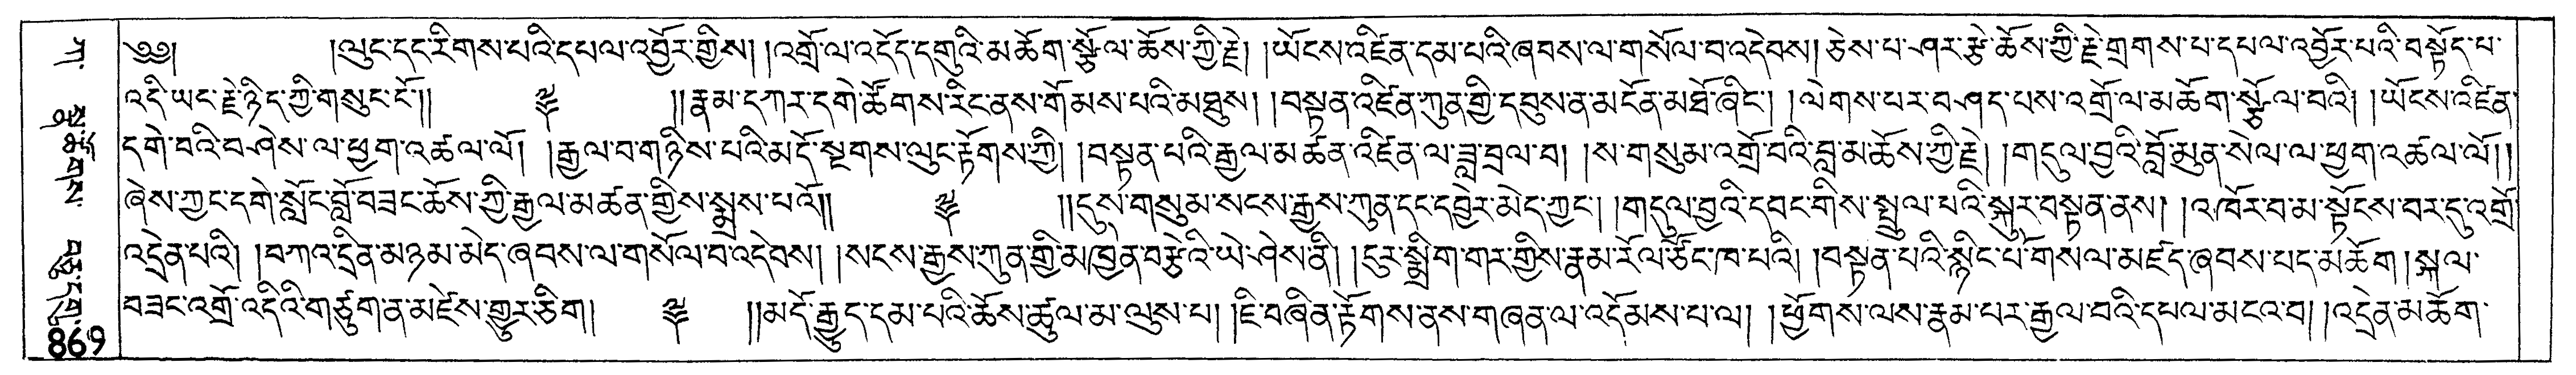༄༅། །ལུང་དང་རིགས་པའི་དཔལ་འབྱོར་གྱིས། །འགྲོ་ལ་འདོད་དགུའི་མཆོག་སྩོལ་ཆོས་ཀྱི་རྗེ། །ཡོངས་འཛིན་དམ་པའི་ཞབས་ལ་གསོལ་བ་འདེབས། ཅེས་པ་ཤར་རྩེ་ཆོས་ཀྱི་རྗེ་གྲགས་པ་དཔལ་འབྱོར་པའི་བསྟོད་པ་
འདི་ཡང་རྗེ་ཉིད་ཀྱི་གསུང་ངོ།། ༈ །།རྣམ་དཀར་དགེ་ཚོགས་རིང་ནས་གོམས་པའི་མཐུས། །བསྟན་འཛིན་ཀུན་གྱི་དབུས་ན་མངོན་མཐོ་ཞིང་། །ལེགས་པར་བཤད་པས་འགྲོ་ལ་མཆོག་སྩོལ་བའི། །ཡོངས་འཛིན་
དགེ་བའི་བཤེས་ལ་ཕྱག་འཚལ་ལོ། །རྒྱལ་བ་གཉིས་པའི་མདོ་སྔགས་ལུང་རྟོགས་ཀྱི། །བསྟན་པའི་རྒྱལ་མཚན་འཛིན་ལ་ཟླ་བྲལ་བ། །ས་གསུམ་འགྲོ་བའི་བླ་མ་ཆོས་ཀྱི་རྗེ། །གདུལ་བྱའི་བློ་མུན་སེལ་ལ་ཕྱག་འཚལ་ལོ། །
ཞེས་ཀྱང་དགེ་སློང་བློ་བཟང་ཆོས་ཀྱི་རྒྱལ་མཚན་གྱིས་སྨྲས་པའོ།། ༈ །།དུས་གསུམ་སངས་རྒྱས་ཀུན་དང་དབྱེར་མེད་ཀྱང་། །གདུལ་བྱའི་དབང་གིས་སྤྲུལ་པའི་སྐུར་བསྟན་ནས། །འཁོར་བ་མ་སྟོངས་བར་དུ་འགྲོ་
འདྲེན་པའི། །བཀའ་དྲིན་མཉམ་མེད་ཞབས་ལ་གསོལ་བ་འདེབས། །སངས་རྒྱས་ཀུན་གྱི་མཁྱེན་བརྩེའི་ཡེ་ཤེས་ནི། །ངུར་སྨྲིག་གར་གྱིས་རྣམ་རོལ་ཙོང་ཁ་པའི། །བསྟན་པའི་སྙིང་པོ་གསལ་མཛད་ཞབས་པད་མཆོག །སྐལ་
བཟང་འགྲོ་འདིའི་གཙུག་ན་མཛེས་གྱུར་ཅིག ། ༈ །།མདོ་རྒྱུད་དམ་པའི་ཆོས་ཚུལ་མ་ལུས་པ། །ཇི་བཞིན་རྟོགས་ནས་གཞན་ལ་འདོམས་པ་ལ། །ཕྱོགས་ལས་རྣམ་པར་རྒྱལ་བའི་དཔལ་མངའ་བ། །འདྲེན་མཆོག་